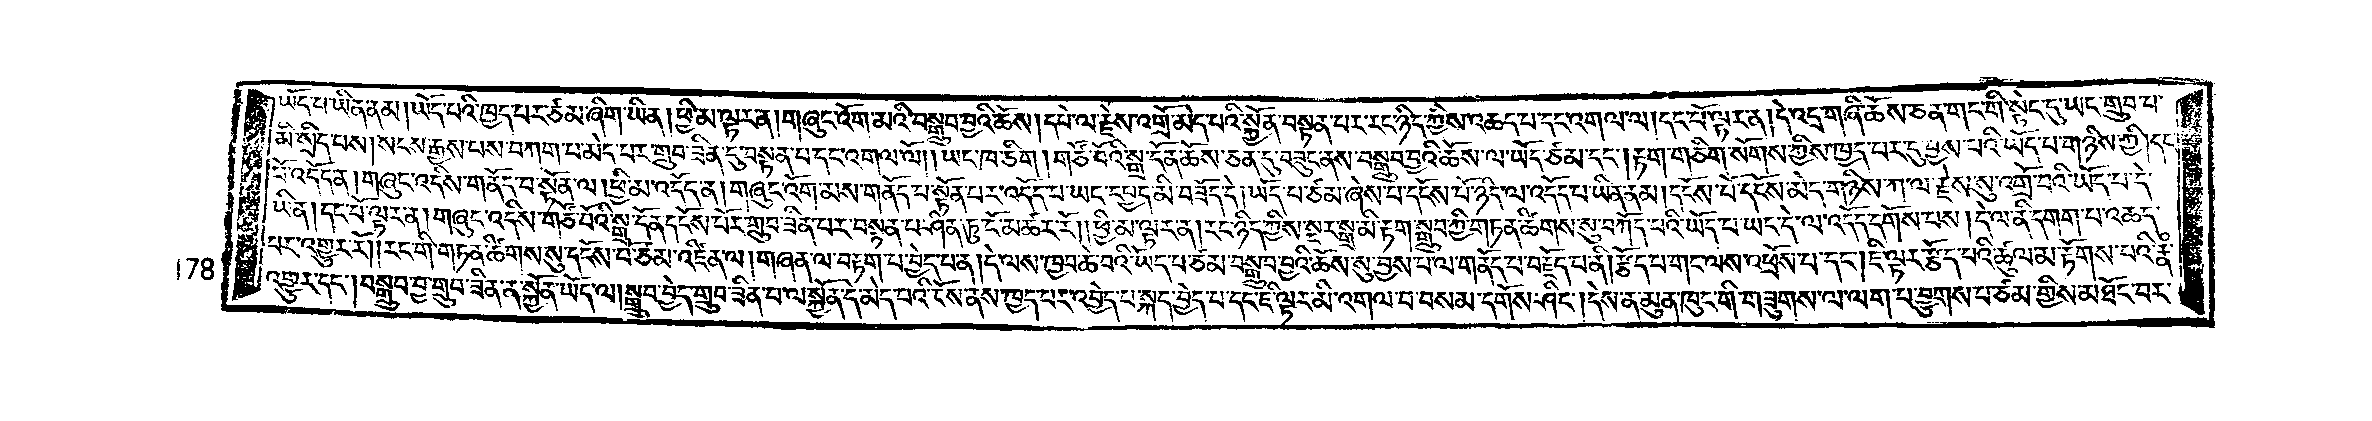ཡོད་པ་ཡིན་ནམ། ཡོད་པའི་ཁྱད་པར་ཙམ་ཞིག་ཡིན། ཕྱི་མ་ལྟར་ན། གཞུང་འོག་མའི་བསྒྲུབ་བྱའི་ཆོས། དཔེ་ལ་རྗེས་འགྲོ་མེད་པའི་སྐྱོན་བསྟན་པར་རང་ཉིད་ཀྱིས་འཆད་པ་དང་འགལ་ལ། དང་པོ་ལྟར་ན། དེ་འདྲ་གཞི་ཆོས་ཅན་གང་གི་སྟེང་དུ་ཡང་གྲུབ་པ་
མི་སྲིད་པས། སངས་རྒྱས་པས་བཀག་པ་མེད་པར་གྲུབ་ཟིན་དུ་བསྟན་པ་དང་འགལ་ལོ། །ཡང་ཁ་ཅིག། གཙོ་བོའི་སྒྲ་དོན་ཆོས་ཅན་དུ་བཟུང་ནས་བསྒྲུབ་བྱའི་ཆོས་ལ་ཡོད་ཙམ་དང་། རྟག་གཅིག་སོགས་ཀྱིས་ཁྱད་པར་དུ་བྱས་པའི་ཡོད་པ་གཉིས་ཀྱི། དང་
པོ་འདོད་ན། གཞུང་འདིས་གནོད་པ་སྟོན་ལ། ཕྱི་མ་འདོད་ན། གཞུང་འོག་མས་གནོད་པ་སྟོན་པར་འདོད་པ་ཡང་དཔྱད་མི་བཟོད་དེ། ཡོད་པ་ཙམ་ཞེས་པ་དངོས་པོ་ཉིད་ལ་འདོད་པ་ཡིན་ནམ། དངོས་པོ་དངོས་མེད་གཉིས་ཀ་ལ་རྗེས་སུ་འགྲོ་བའི་ཡོད་པ་དེ་
ཡིན། དང་པོ་ལྟར་ན། གཞུང་འདིས་གཙོ་བོའི་སྒྲ་དོན་དངོས་པོར་གྲུབ་ཟིན་པར་བསྟན་པ་ཤིན་ཏུ་ངོ་མཚར་རོ། །ཕྱི་མ་ལྟར་ན། རང་ཉིད་ཀྱིས་སྔར་སྒྲ་མི་རྟག་སྒྲུབ་ཀྱི་གཏན་ཚིགས་སུ་བཀོད་པའི་ཡོད་པ་ཡང་དེ་ལ་འདོད་དགོས་པས། དེ་ལ་ནི་དགག་པ་འཆད་
པར་འགྱུར་རོ། །རང་གི་གཏན་ཚིགས་སུ་དངོས་པོ་ཙམ་འཛིན་ལ། གཞན་ལ་བརྟག་པ་བྱེད་པ་ན། དེ་ལས་ཁྱབ་ཆེ་བའི་ཡོད་པ་ཙམ་བསྒྲུབ་བྱའི་ཆོས་སུ་བྱས་པ་ལ་གནོད་པ་བརྗོད་པ་ནི། རྩོད་པ་གང་ལས་འཕྲོས་པ་དང་། ཇི་ལྟར་རྩོད་པའི་ཚུལ་མ་རྟོགས་པའི་རྣམས་
འགྱུར་དང་། བསྒྲུབ་བྱ་གྲུབ་ཟིན་ན་སྐྱོན་ཡོད་ལ། སྒྲུབ་བྱེད་གྲུབ་ཟིན་པ་ལ་སྐྱོན་དེ་མེད་པའི་ངོས་ནས་ཁྱད་པར་འབྱེད་པ་སྐད་བྱེད་པ་དང་ཇི་ལྟར་མི་འགལ་བ་བསམ་དགོས་ཤིང་། དེས་ན་མུན་ཁུང་གི་གཟུགས་ལ་ལག་པ་བྱུགས་པ་ཙམ་གྱིས་མཐོང་བར་